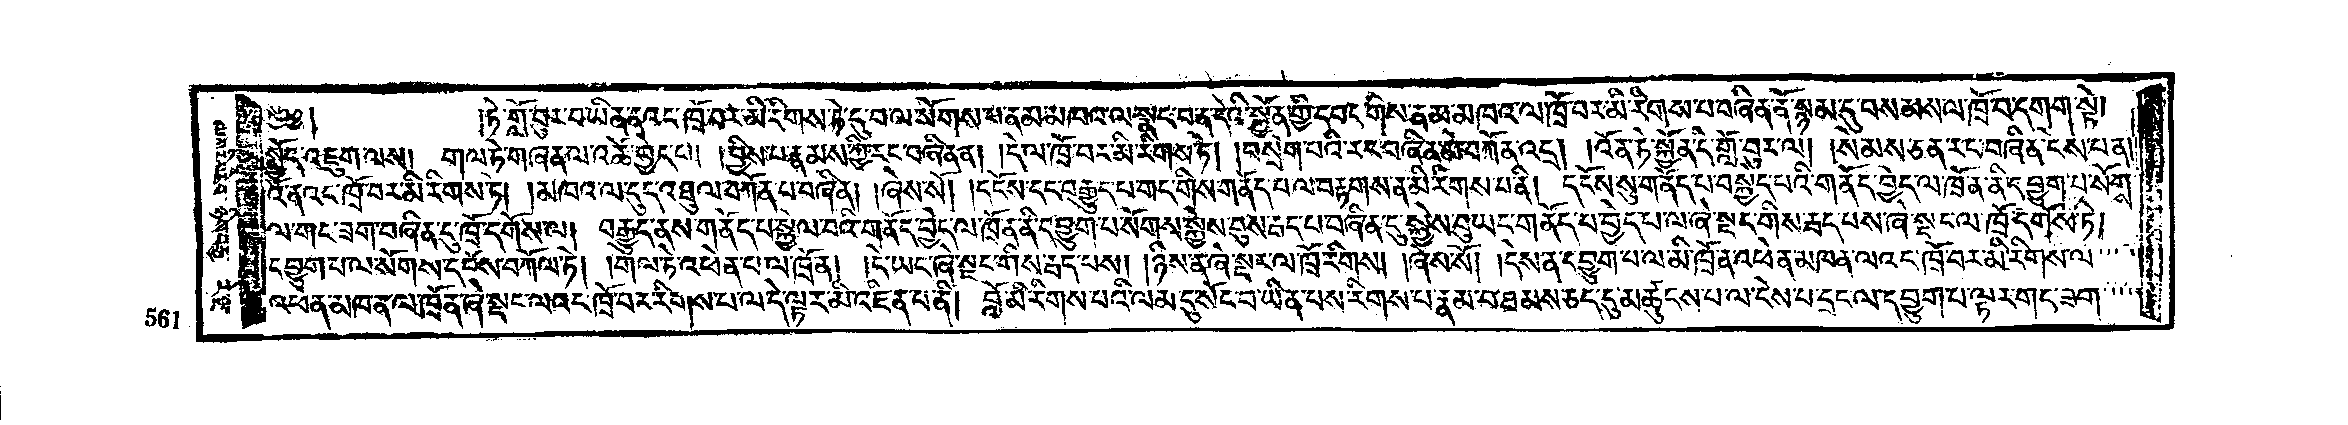༄༅། །ཏེ་གློ་བུར་བ་ཡིན་ནའང་ཁྲོ་བར་མི་རིགས་ཏེ་དུ་བ་ལ་སོགས་པ་ནམ་མཁའ་ལ་སྣང་བ་ན་དེའི་སྐྱོན་གྱི་དབང་གིས་ནམ་མཁའ་ལ་ཁྲོ་བར་མི་རིགས་པ་བཞིན་ནོ་སྙམ་དུ་བསམས་ལ་ཁྲོ་བ་དགག་སྟེ།
སྤྱོད་འཇུག་ལས། གལ་ཏེ་གཞན་ལ་འཚེ་བྱེད་པ། །བྱིས་པ་རྣམས་ཀྱི་རང་བཞིན་ན། །དེ་ལ་ཁྲོ་བར་མི་རིགས་ཏེ། །བསྲེག་པའི་རང་བཞིན་མེ་བཀོན་འདྲ། །འོན་ཏེ་སྐྱོན་དེ་གློ་བུར་ལ། །སེམས་ཅན་རང་བཞིན་ངེས་པ་ན། །
འོ་ནའང་ཁྲོ་བར་མི་རིགས་ཏེ། །མཁའ་ལ་དུད་འཐུལ་བཀོན་པ་བཞིན། །ཞེས་སོ། །དངོས་དང་བརྒྱུད་པ་གང་གིས་གནོད་པ་ལ་བརྟགས་ན་མི་རིགས་པ་ནི། དངོས་སུ་གནོད་པ་བསྐྱེད་པའི་གནོད་བྱེད་ལ་ཁྲོ་ན་ནི་དབྱུག་པ་སོགས་
ལ་གང་ཟག་བཞིན་དུ་ཁྲོ་དགོས་ལ། བརྒྱུད་ནས་གནོད་པ་སྐྱེལ་བའི་གནོད་བྱེད་ལ་ཁྲོ་ན་ནི་དབྱུག་པ་སོགས་སྐྱེས་བུས་རྦད་པ་བཞིན་དུ་སྐྱེས་བུ་ཡང་གནོད་པ་བྱེད་པ་ལ་ཞེ་སྡང་གིས་རྦད་པས་ཞེས་སྡང་ལ་ཁྲོ་དགོས་ཏེ།
དབྱུག་པ་ལ་སོགས་དངོས་བཀོལ་ཏེ། །གལ་ཏེ་འཕེན་པ་ལ་ཁྲོ་ན། །དེ་ཡང་ཞེ་སྡང་གིས་རྦད་པས། །ཉིས་ན་ཞེ་སྡང་ལ་ཁྲོ་རིགས། །ཞེས་སོ། །དེས་ན་དབྱུག་པ་ལ་མི་ཁྲོན་འཕེན་མཁན་ལའང་ཁྲོ་བར་མི་རིགས་ལ་
འཕེན་མཁན་ལ་ཁྲོན་ཞེ་སྡང་ལའང་ཁྲོ་བར་རིགས་པ་ལ་དེ་ལྟར་མི་འཛིན་པ་ནི། བློ་མི་རིགས་པའི་ལམ་དུ་སོང་བ་ཡིན་པས་རིགས་པ་རྣམ་པ་ཐམས་ཅད་དུ་མཚུངས་པ་ལ་ངེས་པ་དྲང་ལ་དབྱུག་པ་ལྟར་གང་ཟག་